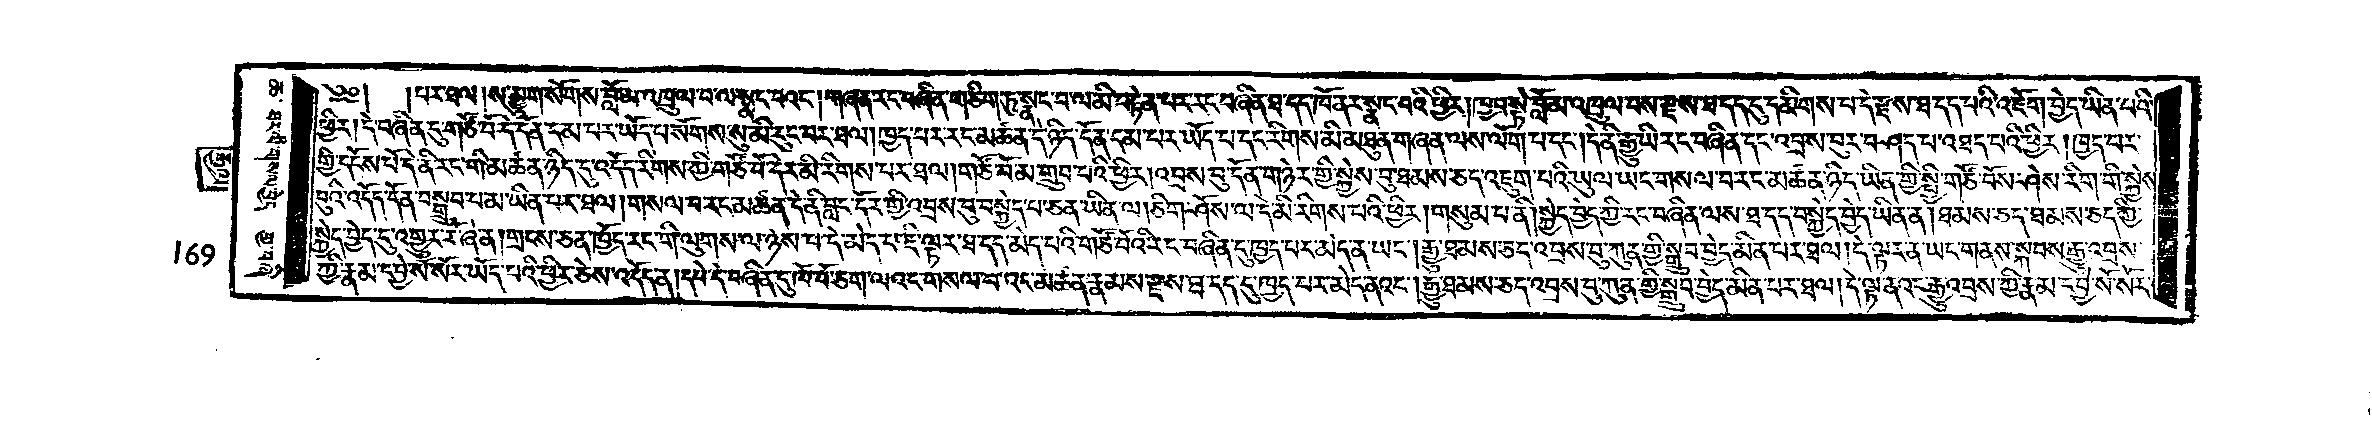༄༅། །པར་ཐལ། ས་མྱུག་སོགས་བློ་མ་འཁྲུལ་བ་ལ་སྨད་པའང་། གཞན་རང་བཞིན་གཅིག་ཏུ་སྣང་བ་ལ་མི་བརྟེན་པར་རང་བཞིན་ཐ་དད་ཁོ་ནར་སྣང་བའི་ཕྱིར། ཁྱབ་སྟེ་བློ་མ་འཁྲུལ་བས་རྫས་ཐ་དད་དུ་དམིགས་པ་དེ་རྫས་ཐ་དད་པའི་འཇོག་བྱེད་ཡིན་པའི་
ཕྱིར། དེ་བཞིན་དུ་གཙོ་བོ་དེ་དོན་དམ་པར་ཡོད་པ་སོགས་སུ་མི་རུང་བར་ཐལ། ཁྱད་པར་རང་མཚན་དེ་ཉིད་དོན་དམ་པར་ཡོད་པ་དང་རིགས་མི་མཐུན་གཞན་ལས་ལོག་པ་དང་། དེ་ནི་རྒྱུ་ཡི་རང་བཞིན་དང་འབྲས་བུར་བཤད་པ་འཐད་པའི་ཕྱིར། ཁྱད་པར་
གྱི་དངོས་པོ་དེ་ནི་རང་གི་མཚན་ཉིད་དུ་འདོད་རིགས་ཀྱི་གཙོ་བོ་དེར་མི་རིགས་པར་ཐལ། གཙོ་བོ་མ་གྲུབ་པའི་ཕྱིར། འབྲས་བུ་དོན་གཉེར་གྱི་སྐྱེས་བུ་ཐམས་ཅད་འཇུག་པའི་ཡུལ་ཡང་གསལ་བ་རང་མཚན་ཉིད་ཡིན་གྱི་སྤྱི་གཙོ་བོས་ཤེས་རིག་གི་སྐྱེས་
བུའི་འདོད་དོན་བསྒྲུབ་པ་མ་ཡིན་པར་ཐལ། གསལ་བ་རང་མཚན་དེ་ནི་བླང་དོར་གྱི་འབྲས་བུ་བསྐྱེད་པ་ཅན་ཡིན་ལ། ཅིག་ཤོས་ལ་དེ་མི་རིགས་པའི་ཕྱིར། གསུམ་པ་ནི། སྐྱེད་བྱེད་ཀྱི་རང་བཞིན་ལས་ཐ་དད་བསྐྱེད་བྱེད་ཡིན་ན། ཐམས་ཅད་ཐམས་ཅད་ཀྱི་
སྐྱེད་བྱེད་དུ་འགྱུར་རོ་ཞེ་ན། གྲངས་ཅན་ཁྱོད་རང་གི་ལུགས་ལ་ཉེས་པ་དེ་མེད་པ་ཇི་ལྟར་ཐ་དད་མེད་པའི་གཙོ་བོའི་རང་བཞིན་དུ་ཁྱད་པར་མེད་ན་ཡང་། རྒྱུ་ཐམས་ཅད་འབྲས་བུ་ཀུན་གྱི་སྒྲུབ་བྱེད་མིན་པར་ཐལ། དེ་ལྟར་ན་ཡང་གནས་སྐབས་རྒྱུ་འབྲས་
ཀྱི་རྣམ་དབྱེ་སོ་སོར་ཡོད་པའི་ཕྱིར་ཅེས་འདོད་ན། དཔེ་དེ་བཞིན་དུ་ཁོ་བོ་ཅག་ལའང་གསལ་བའང་མཚན་རྣམས་རྫས་ཐ་དད་དུ་ཁྱད་པར་མེད་ནའང་། རྒྱུ་ཐམས་ཅད་འབྲས་བུ་ཀུན་གྱི་སྒྲུབ་བྱེད་མིན་པར་ཐལ། དེ་ལྟ་ནའང་རྒྱུ་འབྲས་ཀྱི་རྣམ་དབྱེ་སོ་སོར་